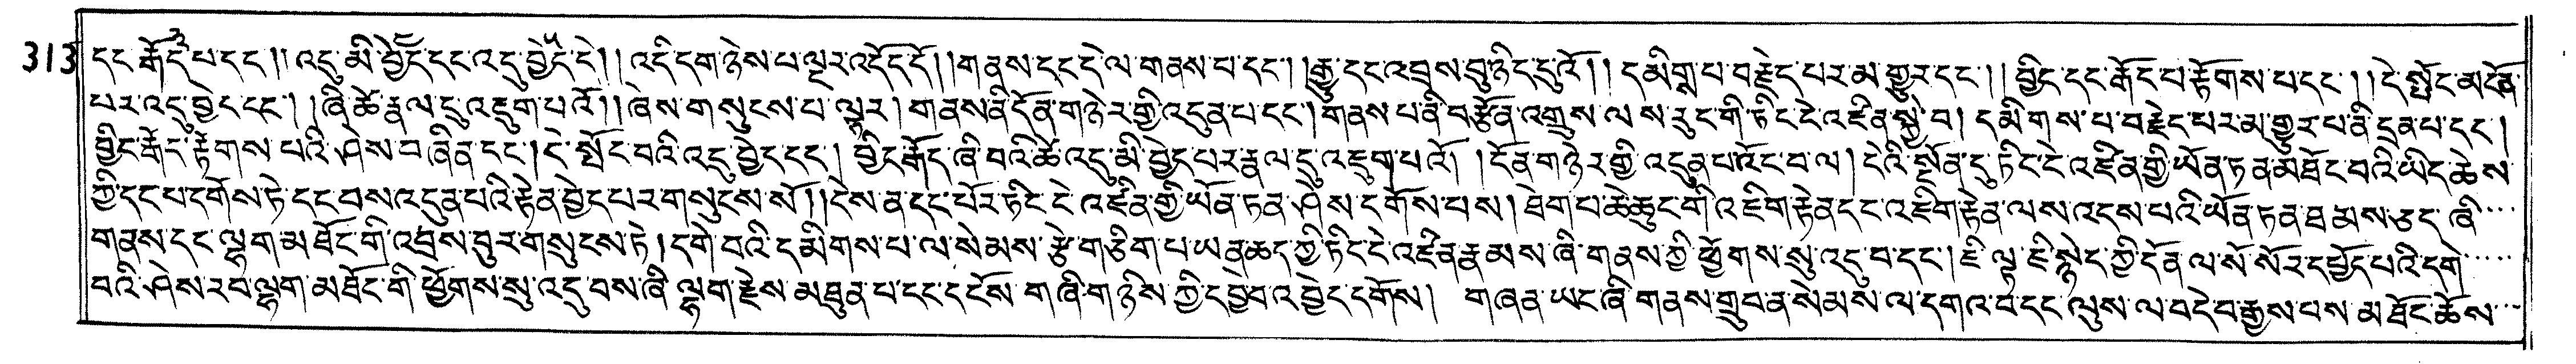དང་རྒོད་པ་དང་། །འདུ་མི་བྱེད་དང་འདུ་བྱེད་དེ། །འདི་དག་ཉེས་པ་ལྔར་འདོད་དོ། །གནས་དང་དེ་ལ་གནས་པ་དང་། །རྒྱུ་དང་འབྲས་བུ་ཉིད་དུ་འོ། །དམིགས་པ་བརྗེད་པར་མ་གྱུར་དང་། །བྱིང་དང་རྒོང་པ་རྟོགས་པ་དང་། །དེ་སྤོང་མངོན་
པར་འདུ་བྱེད་དང་། །ཞི་ཚེ་རྣལ་དུ་འཇུག་པའོ། །ཞེས་གསུངས་པ་ལྟར། གནས་ནི་དོན་གཉེར་གྱི་འདུན་པ་དང་། གནས་པ་ནི་བརྩོན་འགྲུས་ལས་རུང་གི་ཏིང་ངེ་འཛིན་སྐྱེ་བ། དམིགས་པ་བརྗེད་པར་མ་གྱུར་པ་ནི་དྲན་པ་དང་།
བྱིང་རྒོད་རྟོགས་པའི་ཤེས་བཞིན་དང་། དེ་སྤོང་བའི་འདུ་བྱེད་དང་། བྱིང་རྒོད་ཞི་བའི་ཚེ་འདུ་མི་བྱེད་པར་རྣལ་དུ་འཇུག་པའོ། །དོན་གཉེར་གྱི་འདུན་པ་འོང་བ་ལ། དེའི་སྔོན་དུ་ཏིང་ངེ་འཛིན་གྱི་ཡོན་ཏན་མཐོང་བའི་ཡིད་ཆེས་
ཀྱི་དང་པ་དགོས་ཏེ་དང་བས་འདུན་པའི་རྟེན་བྱེད་པར་གསུངས་སོ། །དེས་ན་དང་པོར་ཏིང་ངེ་འཛིན་གྱི་ཡོན་ཏན་ཤེས་དགོས་པས། ཐེག་པ་ཆེ་ཆུང་གི་འཇིག་རྟེན་དང་འཇིག་རྟེན་ལས་འདས་པའི་ཡོན་ཏན་ཐམས་ཅད་ཞི་
གནས་དང་ལྷག་མཐོང་གི་འབྲས་བུར་གསུངས་ཏེ། དགེ་བའི་དམིགས་པ་ལ་སེམས་རྩེ་གཅིག་པ་ཡན་ཆད་ཀྱི་ཏིང་ངེ་འཛིན་རྣམས་ཞི་གནས་ཀྱི་ཕྱོགས་སུ་འདུ་བ་དང་། ཇི་ལྟ་ཇི་སྙེད་ཀྱི་དོན་ལ་སོ་སོར་དཔྱོད་པའི་དགེ་
བའི་ཤེས་རབ་ལྷག་མཐོང་གི་ཕྱོགས་སུ་འདུ་བས་ཞི་ལྷག་རྗེས་མཐུན་པ་དང་དངོས་གཞི་གཉིས་ཀྱི་དབྱེ་བ་འབྱེད་དགོས། གཞན་ཡང་ཞི་གནས་གྲུབ་ན་སེམས་ལ་དགའ་བ་དང་ལུས་ལ་བདེ་བ་རྒྱས་པས་མཐོང་ཆོས་